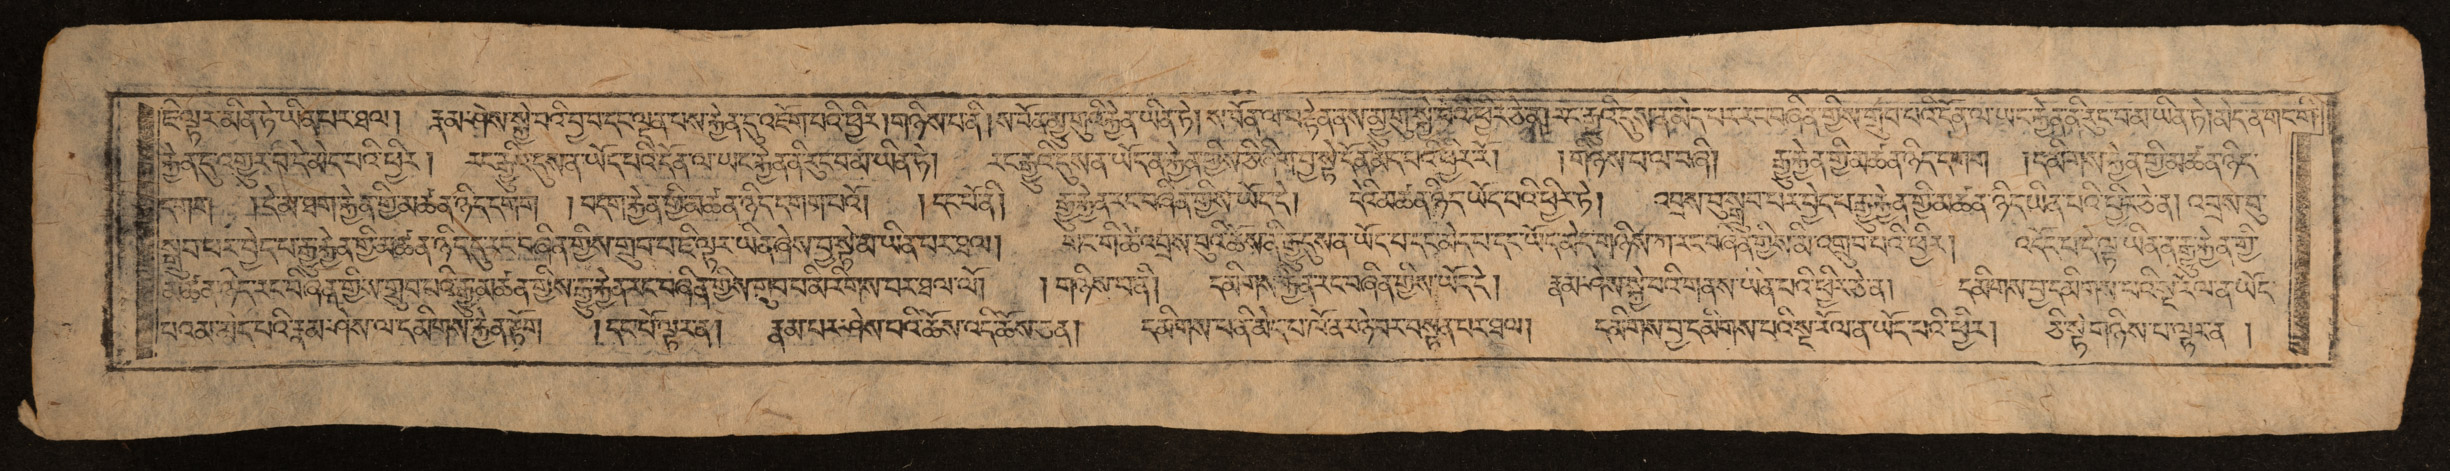ཇི་ལྟར་མིན་ཏེ་ཡིན་པར་ཐལ། རྣམ་ཤེས་སྐྱེ་བའི་བྱ་བ་དང་ལྡན་པས་རྐྱེན་དུ་འཇོག་པའི་ཕྱིར། གཉིས་པ་ནི། ས་བོན་མྱུ་གུའི་རྐྱེན་ཡིན་ཏེ། ས་བོན་ལ་བརྟེན་ནས་མྱུ་གུ་སྐྱེ་བའི་ཕྱིར་ཅེ་ན། རང་རྒྱུའི་དུས་ན་མེད་པར་རང་བཞིན་གྱིས་གྲུབ་པའི་དོན་ལ་ཡང་རྐྱེན་ནི་རུང་བ་མ་ཡིན་ཏེ། མིང་ན་གང་གི་
རྐྱེན་དུ་འགྱུར་བ་དེ་མེད་པའི་ཕྱིར། རང་རྒྱུའི་དུས་ན་ཡོད་པའི་དོན་ལ་ཡང་རྐྱེན་ནི་རུང་བ་མ་ཡིན་ཏེ། རང་རྒྱུའི་དུས་ན་ཡོད་ན་རྐྱེན་གྱིས་ཅི་ཞིག་བྱ་སྟེ་དོན་མེད་པའི་ཕྱིར་རོ། །གཉིས་པ་ལ་བཞི། རྒྱུ་རྐྱེན་གྱི་མཚན་ཉིད་དགག །དམིགས་རྐྱེན་གྱི་མཚན་ཉིད་
དགག །དེ་མ་ཐག་རྐྱེན་གྱི་མཚན་ཉིད་དགག །བདག་རྐྱེན་གྱི་མཚན་ཉིད་དགག་པའོ། །དང་པོ་ནི། རྒྱུ་རྐྱེན་རང་བཞིན་གྱིས་ཡོད་དེ། དེའི་མཚན་ཉིད་ཡོད་པའི་ཕྱིར་ཏེ། འབྲས་བུ་སྒྲུབ་པར་བྱེད་པ་རྒྱུ་རྐྱེན་གྱི་མཚན་ཉིད་ཡིན་པའི་ཕྱིར་ཅེ་ན། འབྲས་བུ་
སྒྲུབ་པར་བྱེད་པ་རྒྱུ་རྐྱེན་གྱི་མཚན་ཉིད་དུ་རང་བཞིན་གྱིས་གྲུབ་པ་ཇི་ལྟར་ཡིན་ཞེས་བྱ་སྟེ་མ་ཡིན་པར་ཐལ། གང་གི་ཚེ་འབྲས་བུའི་ཆོས་ནི་རྒྱུ་དུས་ན་ཡོད་པ་དང་མེད་པ་དང་ཡོད་མེད་གཉིས་ཀ་རང་བཞིན་གྱིས་མི་འགྲུབ་པའི་ཕྱིར། འདོད་པ་དེ་ལྟ་ཡིན་ན་རྒྱ་རྐྱེན་གྱི་
མཚན་ཉིད་རང་བཞིན་གྱིས་གྲུབ་པའི་རྒྱུ་མཚན་གྱིས་རྒྱུ་རྐྱེན་རང་བཞིན་གྱིས་གྲུབ་པ་མི་རིགས་པར་ཐལ་ལོ། །གཉིས་པ་ནི། དམིགས་རྐྱེན་རང་བཞིན་གྱིས་ཡོད་དེ། རྣམ་ཤེས་སྐྱེ་བའི་གནས་ཡིན་པའི་ཕྱིར་ཅེ་ན། དམིགས་བྱ་དམིགས་པའི་སྔ་རོལ་ན་ཡོད་
པའམ་མེད་པའི་རྣམ་ཤེས་ལ་དམིགས་རྐྱེན་རྟོག །དང་པོ་ལྟར་ན། རྣམ་པར་ཤེས་པའི་ཆོས་འདི་ཆོས་ཅན། དམིགས་པ་ནི་མེད་པ་ཁོ་ནར་ཉེ་བར་བསྟན་པར་ཐལ། དམིགས་བྱ་དམིགས་པའི་སྔ་རོལ་ན་ཡོད་པའི་ཕྱིར། ཅི་སྟེ་གཉིས་པ་ལྟར་ན་།